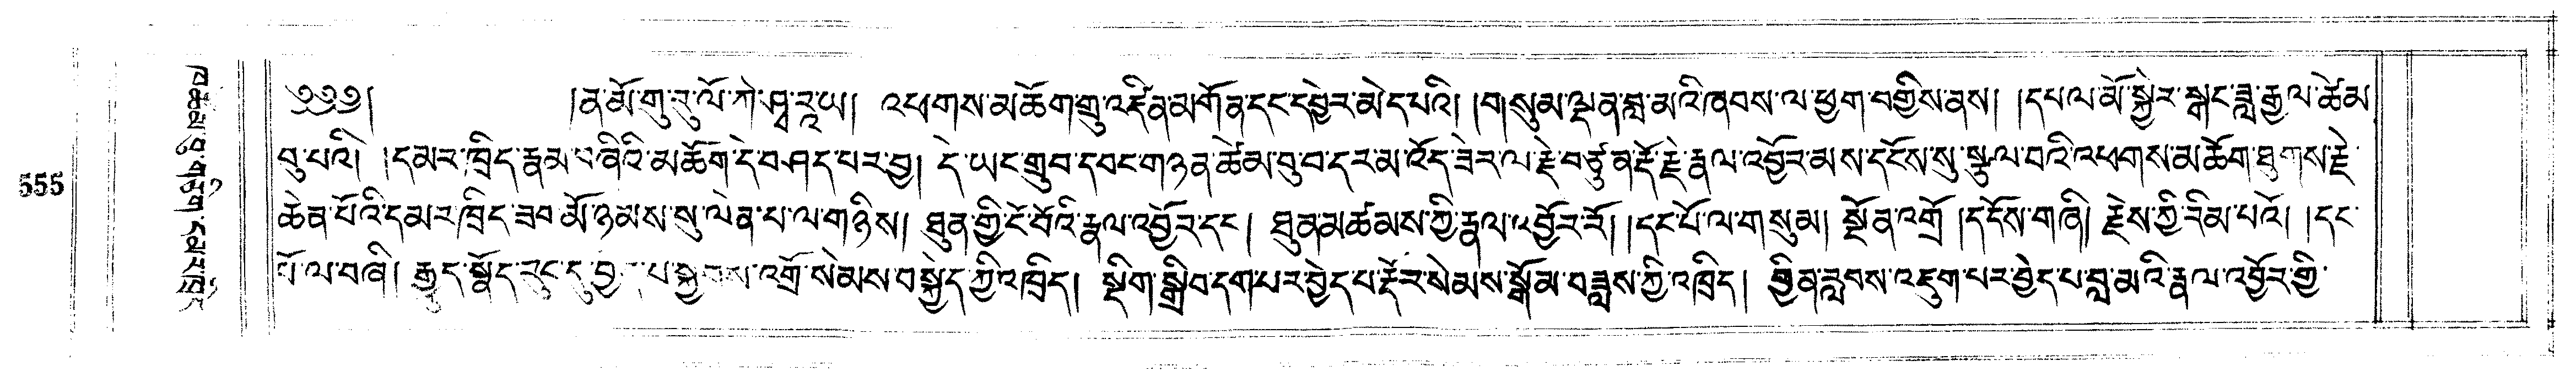༄༅༅། །ན་མོ་གུ་རུ་ལོ་ཀེ་ཤྭ་རཱ་ཡ། འཕགས་མཆོག་གྲུ་འཛིན་མགོན་དང་དབྱེར་མེད་པའི། །གསུམ་ལྡན་བླ་མའི་ཞབས་ལ་ཕྱག་བགྱིས་ནས། །དཔལ་མོ་སྐྱེར་སྒང་ཟླ་རྒྱལ་ཚེམ་
བུ་པའི། །དམར་ཁྲིད་རྣམ་བཞིའི་མཆོག་དེ་བཤད་པར་བྱ། དེ་ཡང་གྲུབ་དབང་གཉན་ཚེམ་བུ་བ་དར་མ་འོད་ཟེར་ལ་རྗེ་བཙུན་རྡོ་རྗེ་རྣལ་འབྱོར་མས་དངོས་སུ་སྩལ་བའི་འཕགས་མཆོག་ཐུགས་རྗེ་
ཆེན་པོའི་དམར་ཁྲིད་ཟབ་མོ་ཉམས་སུ་ལེན་པ་ལ་གཉིས། ཐུན་གྱི་ངོ་བོའི་རྣལ་འབྱོར་དང་། ཐུན་མཚམས་ཀྱི་རྣལ་འབྱོར་རོ། །དང་པོ་ལ་གསུམ། སྔོན་འགྲོ་།དངོས་གཞི། རྗེས་ཀྱི་རིམ་པའོ། །དང་
པོ་ལ་བཞི། རྒྱུད་སྣོད་རུང་དུ་བྱད་པ་སྐྱབས་འགྲོ་སེམས་བསྐྱེད་ཀྱི་འཁྲིད། སྡིག་སྒྲིབ་དག་པར་བྱེད་པ་རྡོར་སེམས་སྒོམ་བཟླས་ཀྱི་འཁྲིད། ཕྱིན་རླབས་འཇུག་པར་བྱེད་པ་བླ་མའི་རྣལ་འབྱོར་གྱི་